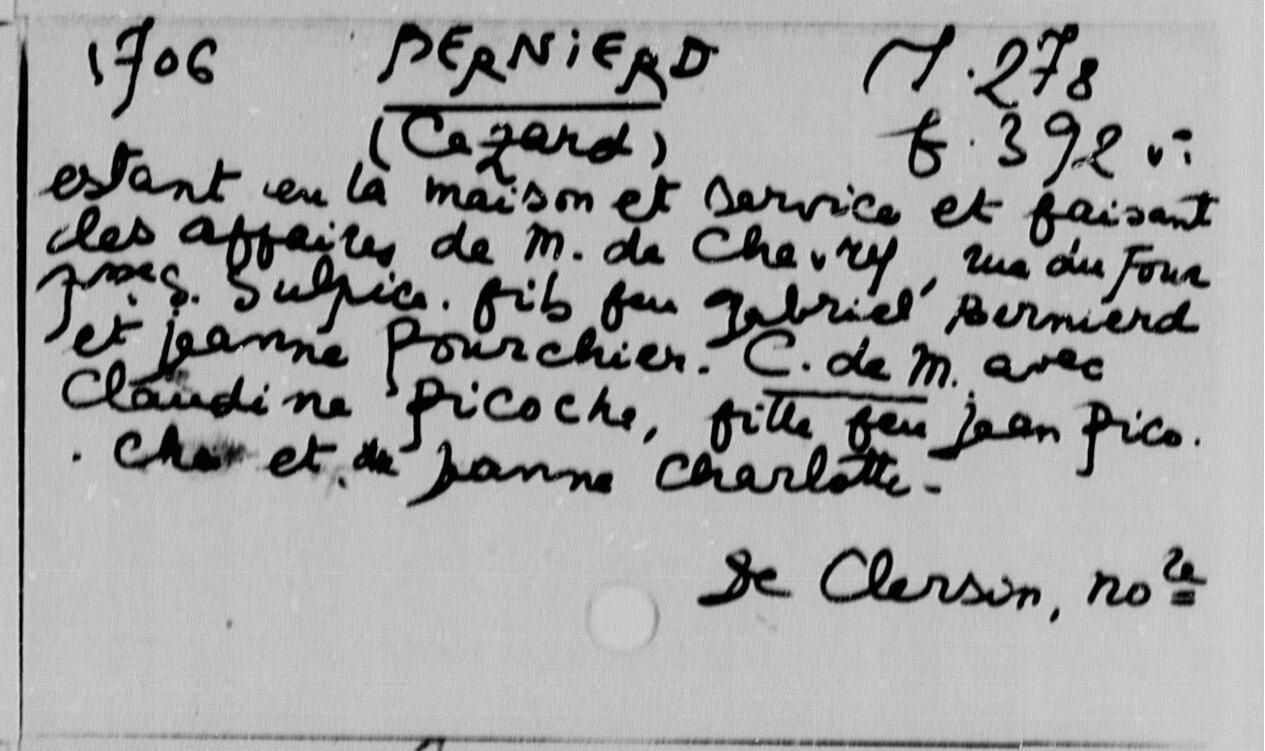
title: BERNIERD (Cezard)
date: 1706
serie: Y
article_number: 278
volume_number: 392v
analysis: estant en la maison et service et faisant des affaires de monsieur de Chevry, rue du Four, paroisse Saint-Sulpice. Fils feu Gabriel Bernierd et Jeanne Pourchier. Contrat de mariage avec Claudine Picoche, fille feu Jean Picoche et de Jeanne Charlotte. De Clersin, notaire.
